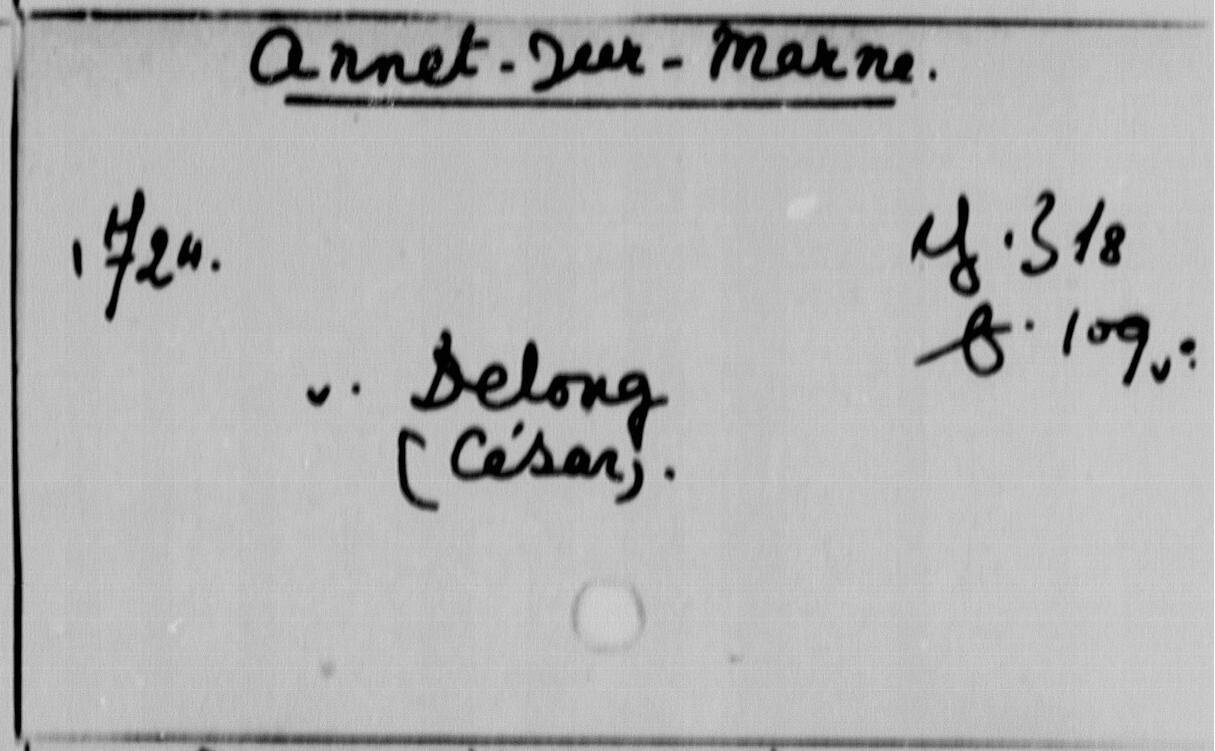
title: Annet-sur-Marne
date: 1724
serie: Y
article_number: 318
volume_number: folio 109 verso
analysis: Voir Delong (César)
